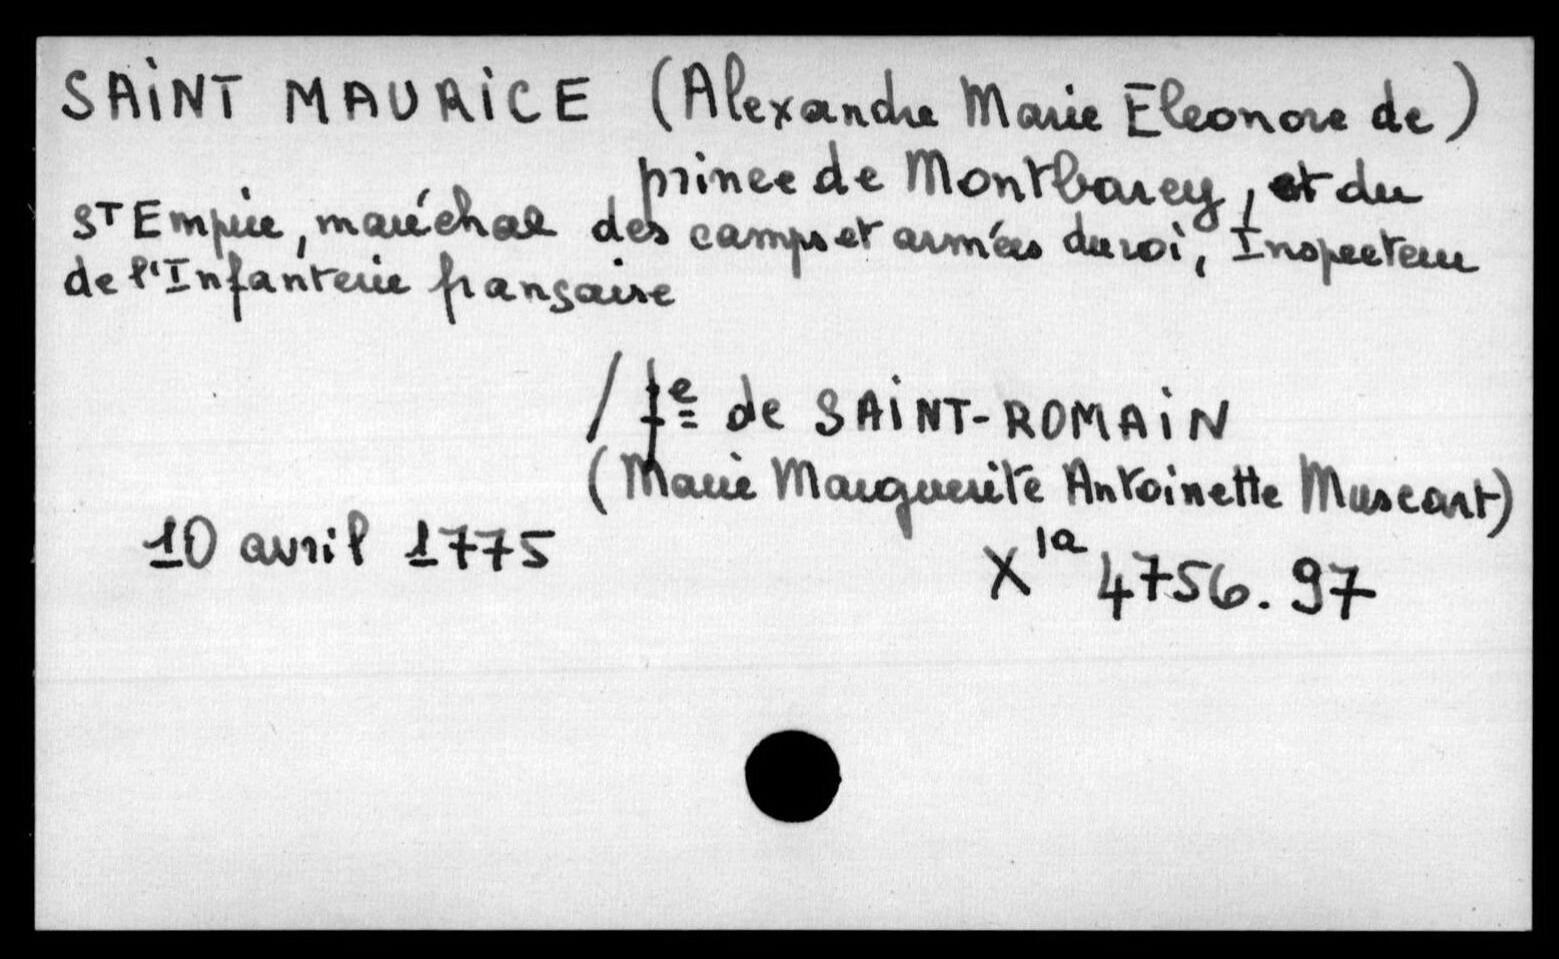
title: SAINT MAURICE (Alexandre Marie Eléonore de) prince de Montbarey, et du Saint Empire, maréchal des camps et armées du roi, Inspecteur de l'Infanterie française
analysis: Contre femme de SAINT-ROMAIN (Marie Marguerite Antoinette Muscart)
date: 10 avril 1775
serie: X1a
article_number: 4756
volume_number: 97
